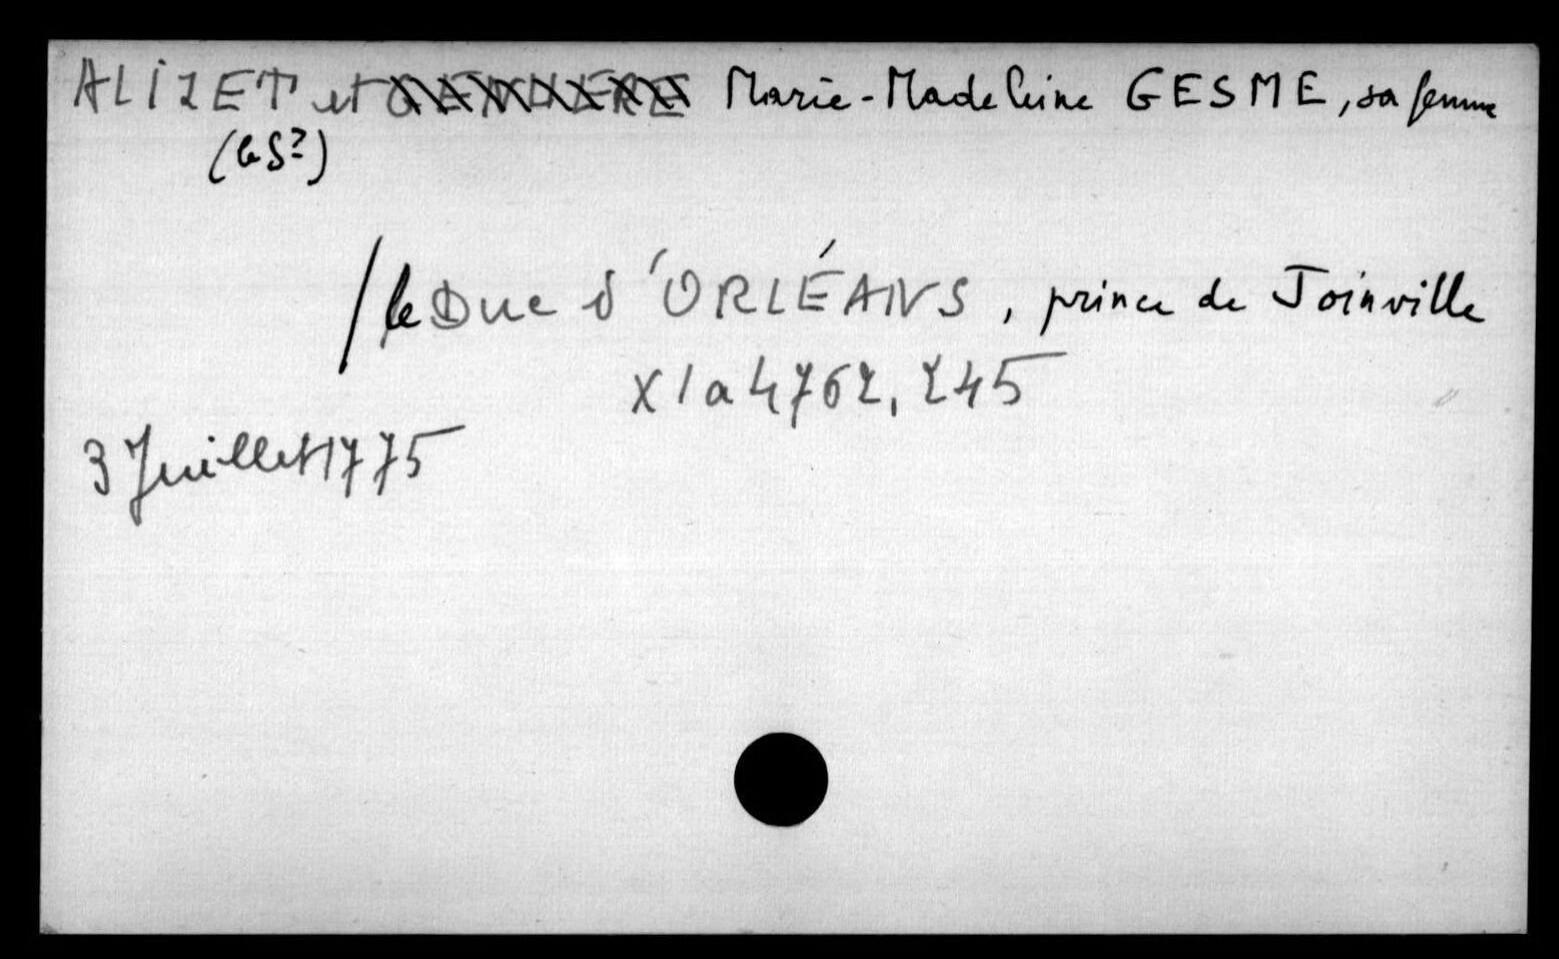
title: ALIZET Marie-Madeleine GESME, sa femme (le seigneur)
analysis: Contre le duc d'ORLÉANS, prince de Joinville
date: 3 juillet 1775
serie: X1a
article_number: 4762
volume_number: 245
